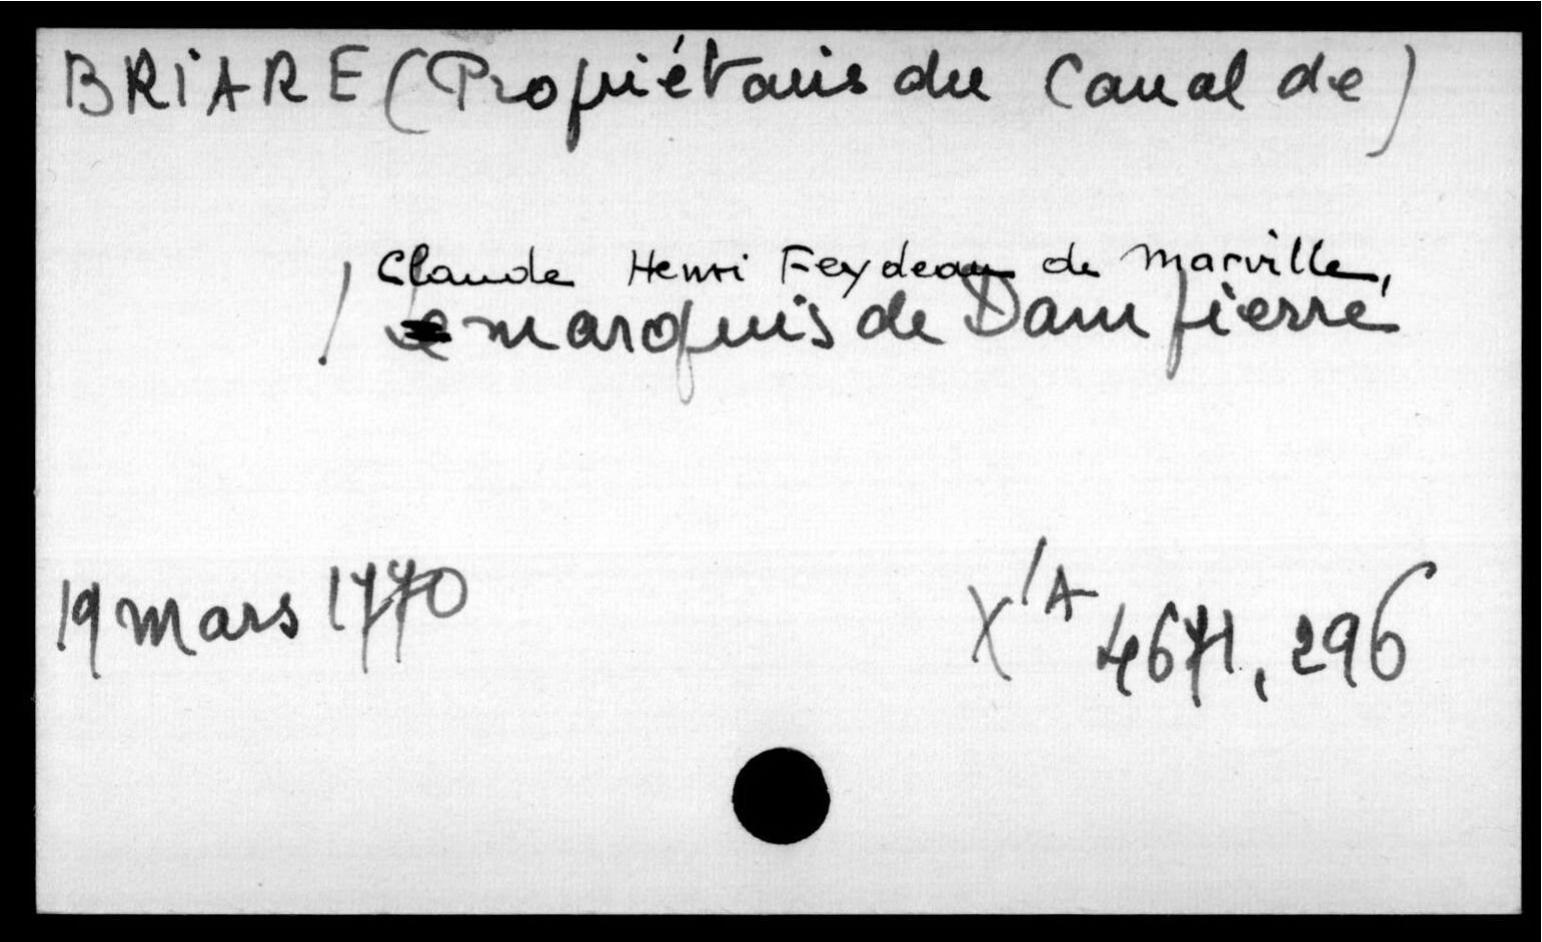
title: BRIARE (Propriétaire du Canal de)
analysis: Contre Claude Henri Feydeau de Marville marguis de Dampierre
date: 19 mars 1770
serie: X1A
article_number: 4671
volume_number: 296
